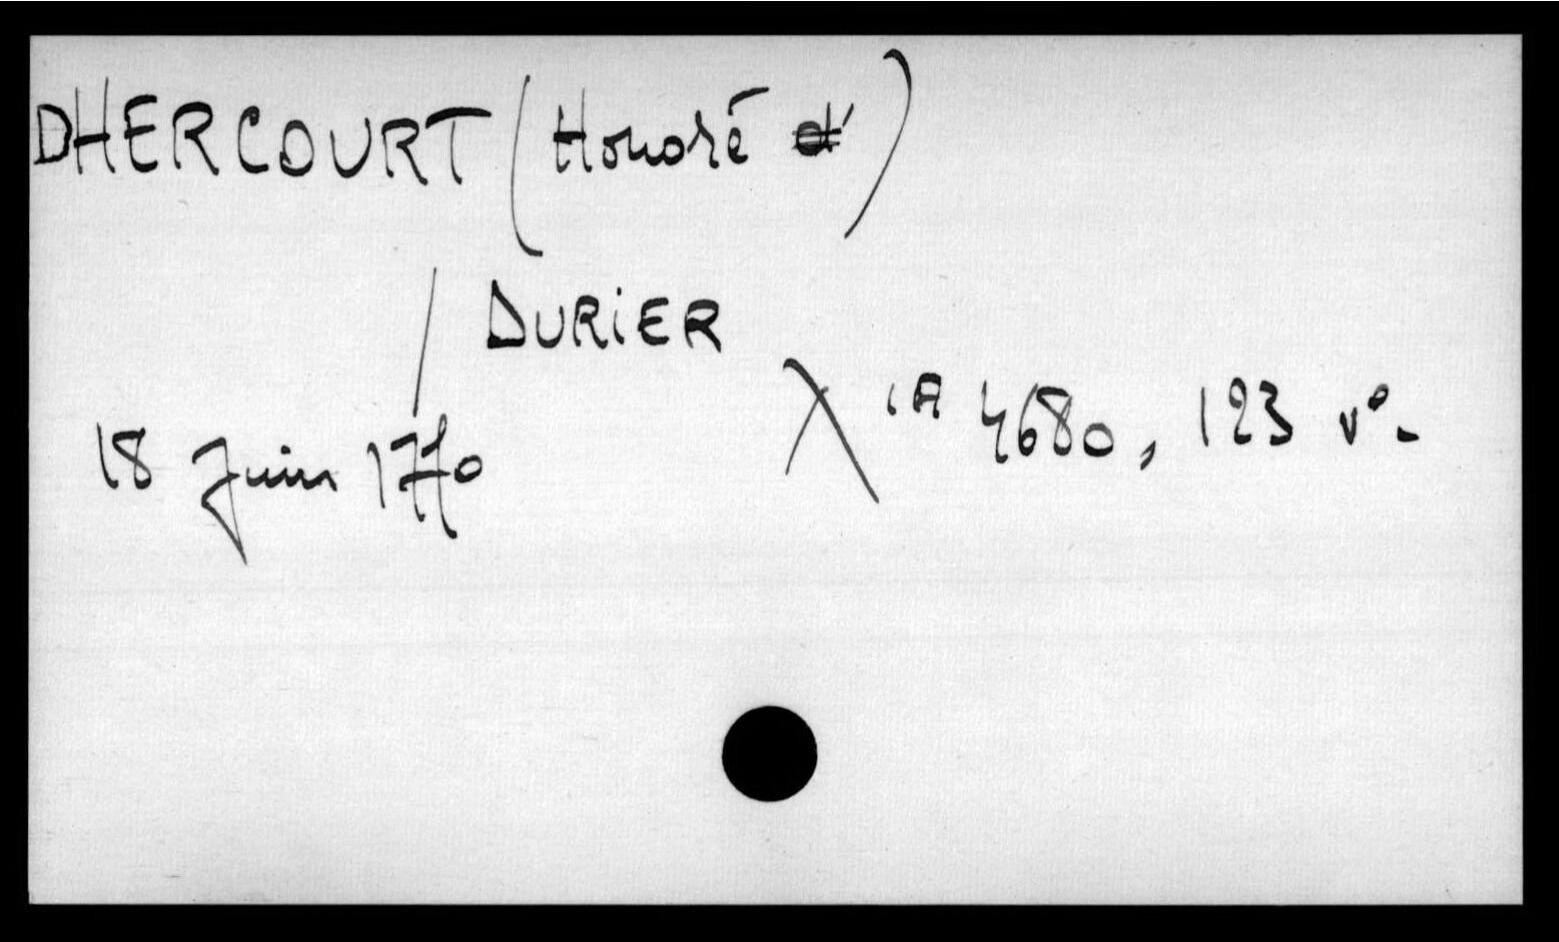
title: DHERCOURT (Honoré)
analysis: Contre DURIER
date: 18 juin 1770
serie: X1A
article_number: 4680
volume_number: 123v
